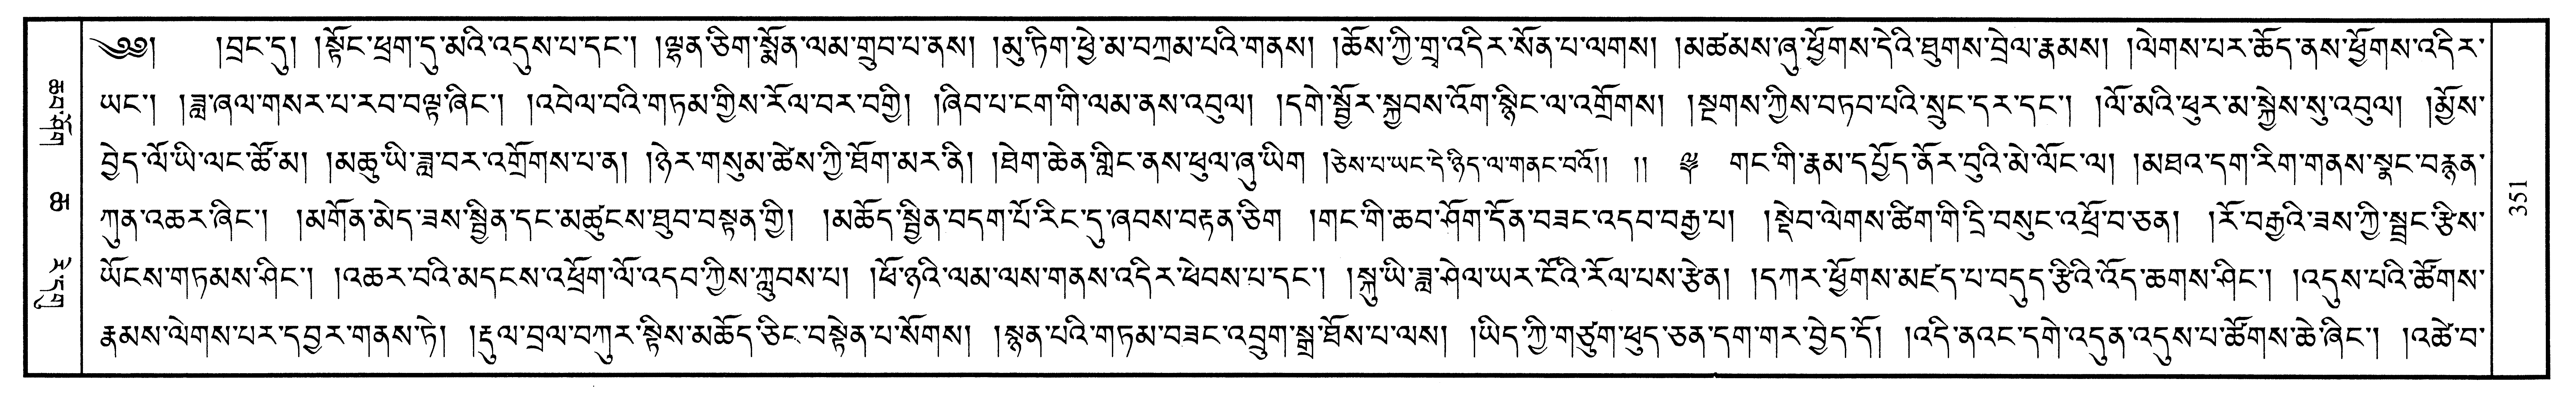༄༅། །བྲང་དུ། །སྟོང་ཕྲག་དུ་མའི་འདུས་པ་དང་། །ལྷན་ཅིག་སྨོན་ལམ་གྲུབ་པ་ནས། །མུ་ཏིག་ཕྱེ་མ་བཀྲམ་པའི་གནས། །ཆོས་ཀྱི་གྲྭ་འདིར་སོན་པ་ལགས། །མཚམས་ཞུ་ཕྱོགས་དེའི་ཐུགས་བྲེལ་རྣམས། །ལེགས་པར་ཆོད་ནས་ཕྱོགས་འདིར་
ཡང་། །ཟླ་ཞལ་གསར་པ་རབ་བལྟ་ཞིང་། །འབེལ་བའི་གཏམ་གྱིས་རོལ་བར་བགྱི། །ཞིབ་པ་ངག་གི་ལམ་ནས་འབུལ། །དགེ་སྦྱོར་སྐྱབས་འོག་སྙིང་ལ་འགྲོགས། །སྔགས་ཀྱིས་བཏབ་པའི་སྲུང་དར་དང་། །ལོ་མའི་ཕུར་མ་སྐྱེས་སུ་འབུལ། །མྱོས་
བྱེད་ལོ་ཡི་ལང་ཚོ་མ། །མཆུ་ཡི་ཟླ་བར་འགྲོགས་པ་ན། །ཉེར་གསུམ་ཚེས་ཀྱི་ཐོག་མར་ནི། །ཐེག་ཆེན་གླིང་ནས་ཕུལ་ཞུ་ཡིག །ཅེས་པ་ཡང་དེ་ཉིད་ལ་གནང་བའོ།། །། ༈ གང་གི་རྣམ་དཔྱོད་ནོར་བུའི་མེ་ལོང་ལ། །མཐའ་དག་རིག་གནས་སྣང་བརྙན་
ཀུན་འཆར་ཞིང་། །མགོན་མེད་ཟས་སྦྱིན་དང་མཚུངས་ཐུབ་བསྟན་གྱི། །མཆོད་སྦྱིན་བདག་པོ་རིང་དུ་ཞབས་བརྟན་ཅིག །གང་གི་ཆབ་ཤོག་དོན་བཟང་འདབ་བརྒྱ་པ། །སྡེབ་ལེགས་ཚིག་གི་དྲི་བསུང་འཕྲོ་བ་ཅན། །རོ་བརྒྱའི་ཟས་ཀྱི་སྦྲང་རྩིས་
ཡོངས་གཏམས་ཤིང་། །འཆར་བའི་མདངས་འཕྲོག་ལོ་འདབ་ཀྱིས་ཀླུབས་པ། །ཕོ་ཉའི་ལམ་ལས་གནས་འདིར་ཕེབས་པ་དང་། །སྐུ་ཡི་ཟླ་ཤེལ་ཡར་ངོའི་རོལ་པས་རྩེན། །དཀར་ཕྱོགས་མཛད་པ་བདུད་རྩིའི་འོད་ཆགས་ཤིང་། །འདུས་པའི་ཚོགས་
རྣམས་ལེགས་པར་དབྱར་གནས་ཏེ། །རྡུལ་བྲལ་བཀུར་སྟིས་མཆོད་ཅིང་བསྟེན་པ་སོགས། །སྙན་པའི་གཏམ་བཟང་འབྲུག་སྒྲ་ཐོས་པ་ལས། །ཡིད་ཀྱི་གཙུག་ཕུད་ཅན་དག་གར་བྱེད་དོ། །འདི་ནའང་དགེ་འདུན་འདུས་པ་ཚོགས་ཆེ་ཞིང་། །འཚེ་བ་